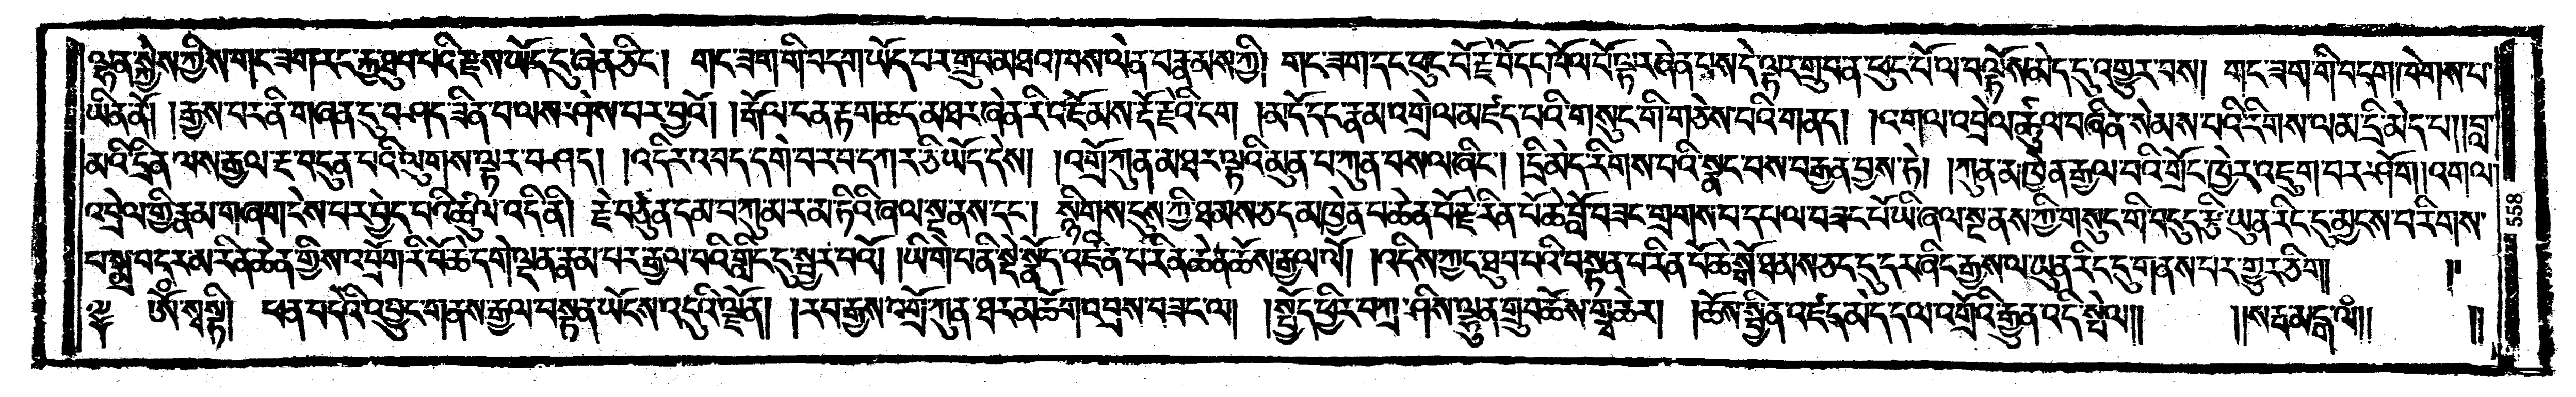ལྷན་སྐྱེས་ཀྱིས་གང་ཟག་རང་རྐྱ་ཐུབ་པའི་རྫས་ཡོད་དུ་ཞེན་ཅིང་། གང་ཟག་གི་བདག་ཡོད་པར་གྲུབ་མཐའ་ཁས་ལེན་པ་རྣམས་ཀྱི། གང་ཟག་དང་ཕུང་པོ་རྗེ་བོ་དང་ཁོལ་པོ་ལྟར་ཞེན་པས་དེ་ལྟར་གྲུབ་ན་ཕུང་པོ་ལ་བལྟོས་མེད་དུ་འགྱུར་བས། གང་ཟག་གི་བདག་ཁེགས་པ་
ཡིན་ནོ། །རྒྱས་བར་ནི་གཞན་དུ་བཤད་ཟིན་པ་ལས་ཤེས་པར་བྱའོ། །རྒོལ་ངན་རྟག་ཆད་མཐར་ཞེན་རི་འཇོམས་རྡོ་རྗེའི་ངག །མདོ་དང་རྣམ་འགྲེལ་མཛད་པའི་གསུང་གི་གཅེས་པའི་གནད། །འགལ་འབྲེལ་ཚུལ་བཞིན་སེམས་པའི་རིགས་ལམ་དྲི་མེད་པ། །བླ་
མའི་དྲིན་ལས་རྒྱལ་རྔ་བདུན་པའི་ལུགས་ལྟར་བཤད། །འདིར་འབད་དགེ་བ་རབ་དཀར་ཅི་ཡོད་དེས། །འགྲོ་ཀུན་མཐར་ལྟའི་མུན་པ་ཀུན་བསལ་ཞིང་། །དྲི་མེད་རིགས་པའི་སྣང་བས་བརྒྱན་བྱས་ཏེ། །ཀུན་མཁྱེན་རྒྱལ་བའི་གྲོང་ཁྱེར་འཇུག་པར་ཤོག །འགལ་
འབྲེལ་གྱི་རྣམ་གཞག་ངེས་པར་བྱེད་པའི་ཚུལ་འདི་ནི། རྗེ་བཙུན་དམ་པ་ཀུ་མ་ར་མ་ཏིའི་ཞལ་སྔ་ནས་དང་། སྙིགས་དུས་ཀྱི་ཐམས་ཅད་མཁྱེན་པ་ཆེན་པོ་རྗེ་རིན་པོ་ཆེ་བློ་བཟང་གྲགས་པ་དཔལ་བཟང་པོ་ཡི་ཞལ་སྔ་ནས་ཀྱི་གསུང་གི་བདུད་རྩི་ཡུན་རིང་དུ་མྱངས་པ་རིགས་
པ་སྨྲ་བ་དར་མ་རིན་ཆེན་གྱིས་འབྲོག་རི་བོ་ཆེ་དགེ་ལྡན་རྣམ་པར་རྒྱལ་བའི་གླིང་དུ་སྦྱར་བའོ། །ཡི་གེ་པ་ནི་སྡེ་སྣོད་འཛིན་པ་རིན་ཆེན་ཆོས་རྒྱལ་ལོ། །འདིས་ཀྱང་ཐུབ་པའི་བསྟན་པ་རིན་པོ་ཆེ་སྒོ་ཐམས་ཅད་དུ་དར་ཞིང་རྒྱས་ལ་ཡུན་རིང་དུ་གནས་པར་གྱུར་ཅིག།། །།
༈ ཨོམ་སྭསྟི། ཕན་བདེའི་འབྱུང་གནས་རྒྱལ་བསྟན་ཡོངས་འདུའི་ལྗོན། །རབ་རྒྱས་འགྲོ་ཀུན་ཐར་མཆོག་འབྲས་བཟང་ལ། །སྤྱོད་ཕྱིར་བཀྲ་ཤིས་ལྷུན་གྲུབ་ཆོས་གྲྭ་ཆེར། །ཆོས་སྦྱིན་འཛད་མེད་དལ་འགྲོའི་རྒྱུན་འདི་སྤེལ།། །།སརྦ་མངྒ་ལཾ།། །།